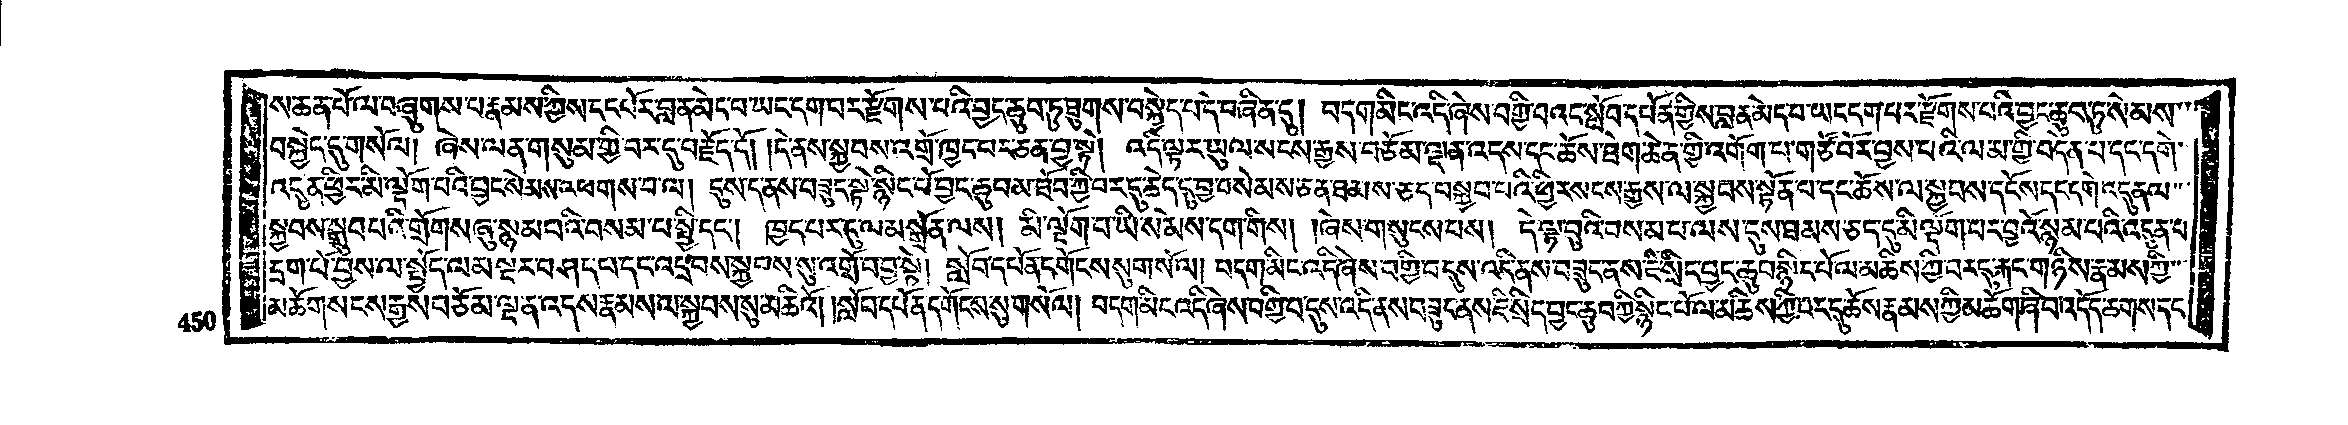ས་ཆེན་པོ་ལ་བཞུགས་པ་རྣམས་ཀྱིས་དང་པོར་བླ་ན་མེད་པ་ཡང་དག་པར་རྫོགས་པའི་བྱང་ཆུབ་ཏུ་ཐུགས་བསྐྱེད་པ་དེ་བཞིན་དུ། བདག་མིང་འདི་ཞེས་བགྱི་བའང་སློབ་དཔོན་གྱིས་བླ་ན་མེད་པ་ཡང་དག་པར་རྫོགས་པའི་བྱང་ཆུབ་ཏུ་སེམས་
བསྐྱེད་དུ་གསོལ། ཞེས་ལན་གསུམ་གྱི་བར་དུ་བརྗོད་དོ། །དེ་ནས་སྐྱབས་འགྲོ་ཁྱད་པར་ཅན་བྱ་སྟེ། འདི་ལྟར་ཡུལ་སངས་རྒྱས་བཅོམ་ལྡན་འདས་དང་ཆོས་ཐེག་ཆེན་གྱི་འགོག་པ་གཙོ་བོར་བྱས་པའི་ལམ་གྱི་བདེན་པ་དང་དགེ་
འདུན་ཕྱིར་མི་ལྡོག་པའི་བྱང་སེམས་འཕགས་པ་ལ། དུས་ད་ནས་བཟུང་སྟེ་སྙིང་པོ་བྱང་ཆུབ་མ་ཐོབ་ཀྱི་བར་དུ་ཆེད་དུ་བྱ་བ་སེམས་ཅན་ཐམས་ཅད་བསྐྱབ་པའི་ཕྱིར་སངས་རྒྱས་ལ་སྐྱབས་སྟོན་པ་དང་ཆོས་ལ་སྐྱབས་དངོས་དང་དགེ་འདུན་ལ་
སྐྱབས་སྒྲུབ་པའི་གྲོགས་ཞུ་སྙམ་པའི་བསམ་པ་སྤྱི་དང་། ཁྱད་པར་དུ་ལམ་སྒྲོན་ལས། མི་ལྡོག་པ་ཡི་སེམས་དག་གིས། །ཞེས་གསུངས་པས། དེ་ལྟ་བུའི་བསམ་པ་ལས་དུས་ཐམས་ཅད་དུ་མི་ལྡོག་པར་བྱའོ་སྙམ་པའི་འདུན་པ་
དྲག་པོ་བྱས་ལ་སྤྱོད་ལམ་སྔར་བཤད་པ་དང་འདྲ་བས་སྐྱབས་སུ་འགྲོ་བ་བྱ་སྟེ། སློབ་དཔོན་དགོངས་སུ་གསོལ། བདག་མིང་འདི་ཞེས་བགྱི་བ་དུས་འདི་ནས་བཟུང་ནས་ཇི་སྲིད་བྱང་ཆུབ་སྙིང་པོ་ལ་མཆིས་ཀྱི་བར་དུ་རྐང་གཉིས་རྣམས་ཀྱི་
མཆོག་སངས་རྒྱས་བཅོམ་ལྡན་འདས་རྣམས་ལ་སྐྱབས་སུ་མཆིའོ། །སློབ་དཔོན་དགོངས་སུ་གསོལ། བདག་མིང་འདི་ཞེས་བགྱི་བ་དུས་འདི་ནས་བཟུང་ནས་ཇི་སྲིད་བྱང་ཆུབ་ཀྱི་སྙིང་པོ་ལ་མཆིས་ཀྱི་བར་དུ་ཆོས་རྣམས་ཀྱི་མཆོག་ཞི་བ་འདོད་ཆགས་དང་